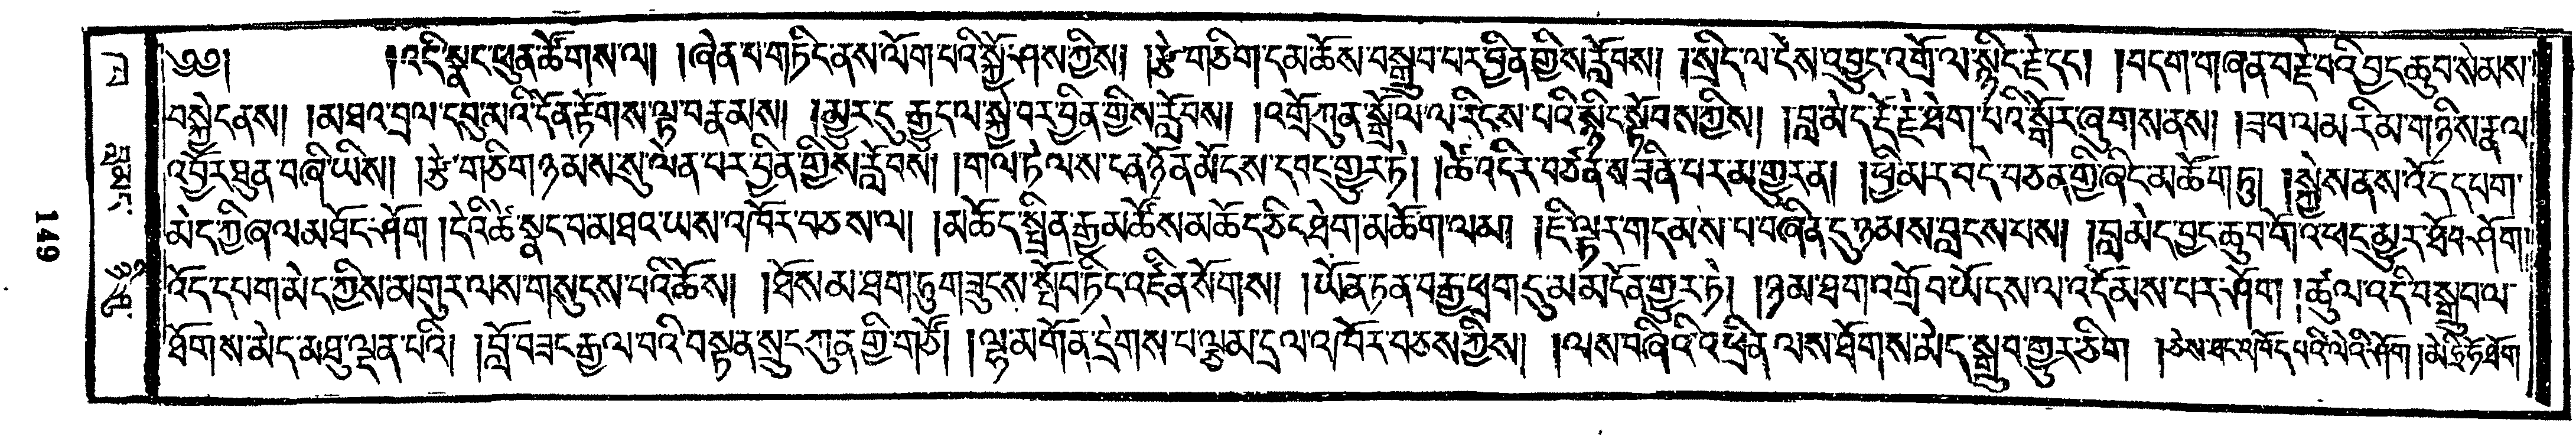༄༅། །འདི་སྣང་ཕུན་ཚོགས་ལ། །ཞེན་པ་གཏིང་ནས་ལོག་པའི་སྐྱོ་ཤས་ཀྱིས། །རྩེ་གཅིག་དམ་ཆོས་བསྒྲུབ་པར་བྱིན་གྱིས་རློབས། །སྲིད་ལ་ངེས་འབྱུང་འགྲོ་ལ་སྙིང་རྗེ་དང་། །བདག་གཞན་བརྗེ་བའི་བྱང་ཆུབ་སེམས་
བསྐྱེད་ནས། །མཐའ་བྲལ་དབུ་མའི་དོན་རྟོགས་ལྟ་བ་རྣམས། །མྱུར་དུ་རྒྱུད་ལ་སྐྱེ་བར་བྱིན་གྱིས་རློབས། །འགྲོ་ཀུན་སྒྲོལ་ལ་རིངས་པའི་སྙིང་སྟོབས་ཀྱིས། །བླ་མེད་རྡོ་རྗེ་ཐེག་པའི་སྒོར་ཞུགས་ནས། །ཟབ་ལམ་རིམ་གཉིས་རྣལ་
འབྱོར་ཐུན་བཞི་ཡིས། །རྩེ་གཅིག་ཉམས་སུ་ལེན་པར་བྱིན་གྱིས་རློབས། །གལ་ཏེ་ལས་ངན་ཉོན་མོངས་དབང་གྱུར་ཏེ། །ཚེ་འདིར་བཙན་ས་ཟིན་པར་མ་གྱུར་ན། །ཕྱི་མར་བདེ་བ་ཅན་གྱི་ཞིང་མཆོག་ཏུ། །སྐྱེས་ནས་འོད་དཔག་
མེད་ཀྱི་ཞལ་མཐོང་ཤོག །དེའི་ཚེ་སྣང་བ་མཐའ་ཡས་འཁོར་བཅས་ལ། །མཆོད་སྤྲིན་རྒྱ་མཚོས་མཆོད་ཅིང་ཐེག་མཆོག་ལམ། །ཇི་ལྟར་གདམས་པ་བཞིན་དུ་ཉམས་བླངས་པས། །བླ་མེད་བྱང་ཆུབ་གོ་འཕང་མྱུར་ཐོབ་ཤོག།
འོད་དཔག་མེད་ཀྱིས་མགུར་ལས་གསུངས་པའི་ཆོས། །ཐོས་མ་ཐག་ཏུ་གཟུངས་སྤོབ་ཏིང་འཛིན་སོགས། །ཡོན་ཏན་བརྒྱ་ཕྲག་དུ་མ་མངོན་གྱུར་ཏེ། །ཉམ་ཐག་འགྲོ་བ་ཡོངས་ལ་འདོམས་པར་ཤོག །ཚུལ་འདི་བསྒྲུབ་ལ་
ཐོགས་མེད་མཐུ་ལྡན་པའི། །བློ་བཟང་རྒྱལ་བའི་བསྟན་སྲུང་ཀུན་གྱི་གཙོ། །ལྷ་མགོན་དྲེགས་པ་ལྕམ་དྲལ་འཁོར་བཅས་ཀྱིས། །ལས་བཞིའི་འཕྲིན་ལས་ཐོགས་མེད་སྒྲུབ་གྱུར་ཅིག །ཅེས་ཐང་འཁོད་པའི་ལེའི་ཤོག །མེ་ཧྲི་ཧོ་ཐོག་